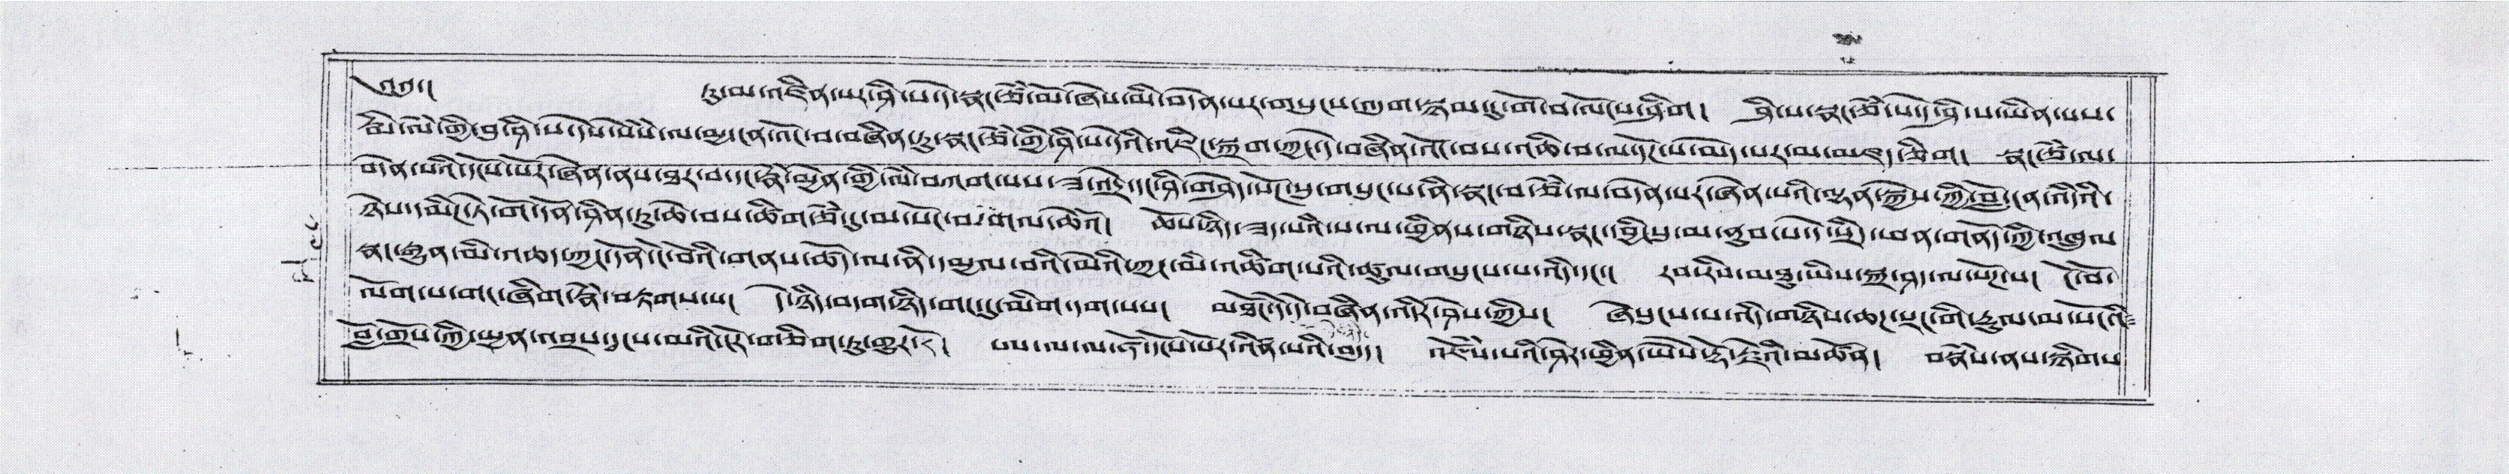ཏུ་མ་འཛིན་པར་ཤི་ས་དེ་སྣང་ཙམ་མོ་ཞེས་མི་བདེན་པར་གསུངས་འདུག་སྙམ་དུ་གོ་བ་ལོངས་ཤིག ཤི་ས་སྣང་ཙམ་ས་དེ་ཤི་ས་ཡིན་པས་
རྨི་ལམ་གྱི་བུ་ཤི་ས་དེས་སེམས་ལ་མྱ་ངན་འོང་བ་བཞིན་དུ་སྣང་ཙམ་གྱི་ཤི་ས་དེའི་འཇིགས་སྐྲག་ཀྱང་དེ་བཞིན་འོང་བས་འཆི་བ་ལ་དོགས་ས་མེད་པར་མ་མཛད་ཅིག སྣང་ཙམ་ལ་
ཉེས་དམིགས་ཏེ་གོ་དོན་ཤིན་ཏུ་ཆེ་བས་ཚིག་ཙམ་དུ་མ་སོང་བ་གལ་ཆེའོ། ཆོས་ཉིད་ཟད་པའི་ས་ལ་ཕྱིན་ནས་གཉིས་སྣང་དབྱིངས་སུ་མ་ནུབ་པ་དེ་སྲིད་ཕན་གནོད་ཀྱི་འཁྲུལ་
སྣང་རྒྱུན་མི་འཆད་ཀྱང་དོན་ངོ་བོིའི་གནས་ཚོད་ལ་ནི་དམྱལ་བའི་མེའི་ཀྱང་མི་འཚིག་པའི་ཚུལ་གསུངས་པ་འདི་དང། རབ་རིབ་མཐུ་ཡིས་སྐྲ་ཤད་ལ་སོགས་པ། ངོ་བོ་
ལོག་པ་གང་ཞིག་རྣམ་བརྟགས་པ། དེ་ཉིད་བདག་ཉིད་གང་དུ་མིག་དག་པས། མཐོང་དེ་དེ་བཞིན་འདིར་ཤེས་ཀྱིས། ཞེས་གསུངས་པ་འདི་གཉིས་ཆགས་སྡང་གི་རྡུལ་མ་སོང་བའི་
བློ་གྲོས་ཀྱི་སྤྱན་འབྲས་དྭངས་མའི་ངོར་གཅིག་ཏུ་གྱུར་རོ། ཨ་ལ་ལ་ཧོ་དངོས་པོར་འཛིན་པའི་བདུད། འཇོམས་པའི་ཤེར་ཕྱིན་ཡེ་ཤེས་རྡོ་རྗེའི་མཚོན། བསྣམས་ནས་སྙིགས་